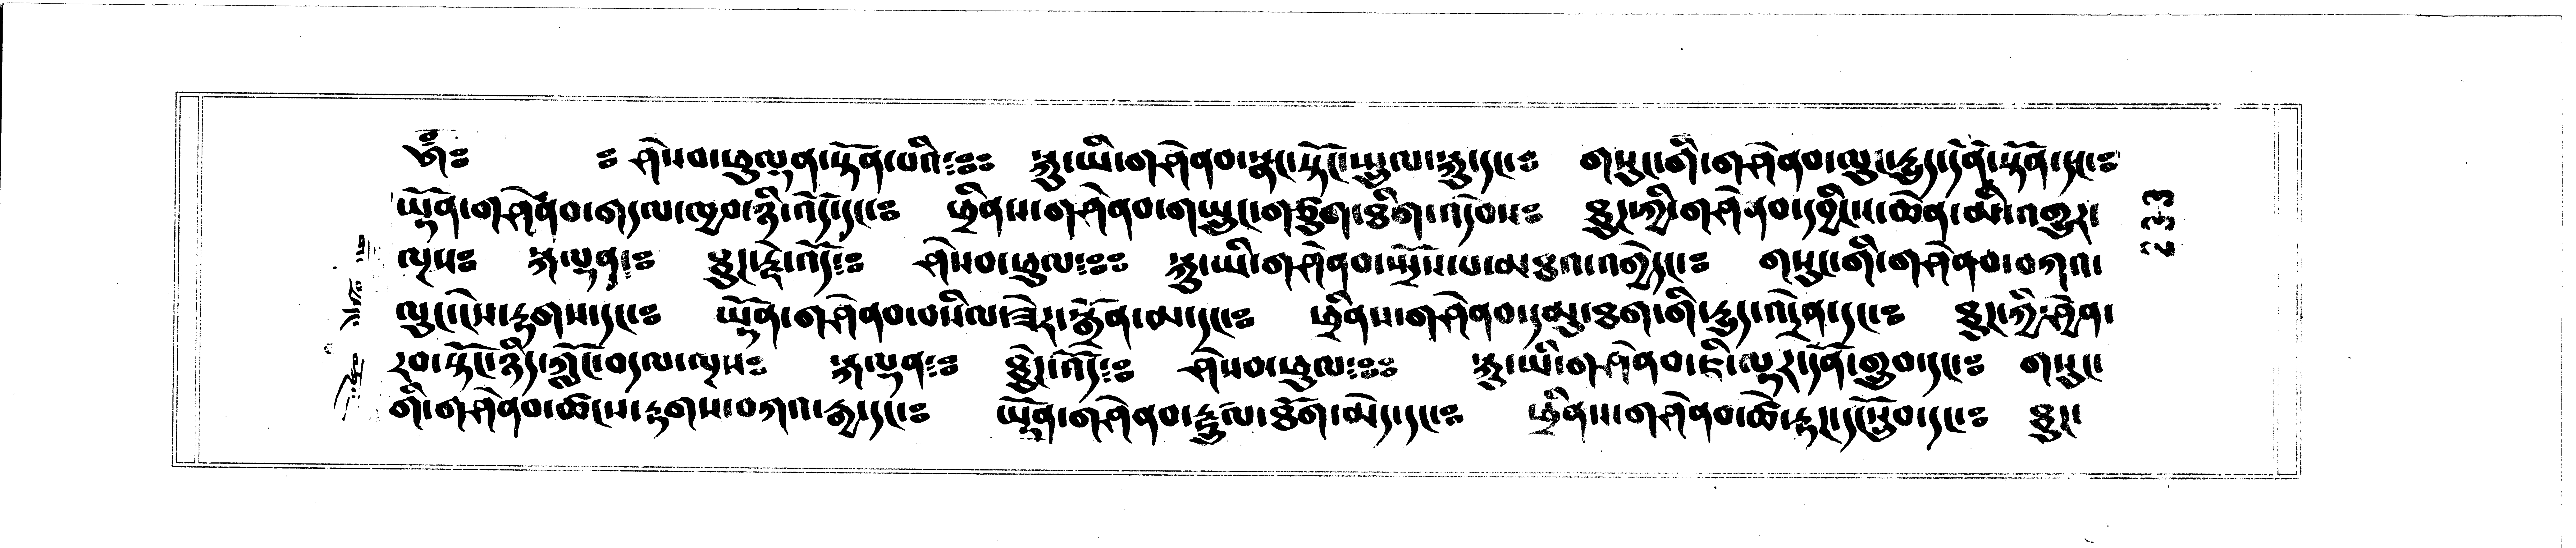ཤེས་རབ་ཕུལ་ལྡན་གཤེན་རབ་འོད་ཟེར་ལསཿ སྐུ་ཡི་གཤེན་རབ་སྣང་སྟོང་སྤྲུལ་སྐུ་དངཿ གསུང་གི་གཤེན་རབ་ལུང་རྒྱུད་དོན་སྟོན་དངཿ 
ཡོན་ཏན་གཤེན་རབ་གདལ་ཁྱབ་ཉི་འོད་དངཿ ཕྲིན་ལས་གཤེན་རབ་གཡུང་དྲུང་གི་གཙུག་ཐིག་འདེབསཿ ཐུགས་ཀྱི་གཤེན་རབ་དབྱིངས་ཆེན་མི་འགྱུར་
ལྔསཿ སྐལ་ལྡན་སློབ་མ་རྣམས་ལ་དབང་བསྐུར་བསཿ ཐུགས་རྗེ་འོད་བཀྱེས་འགྲོ་འདྲེན་དབང་ཐོབ་ཤོགཿ ཤེས་རབ་ཕུལ་ལྡན་གཤེན་རབ་འོད་ཟེར་ལསཿ སྐུ་ཡི་གཤེན་རབ་སྤྲོས་པ་མཐའ་འགྱེད་དངཿ གསུང་གི་གཤེན་རབ་བཀའ་ལུ
ང་ངེས་རྟགས་དངཿ ཡོན་ཏན་གཤེན་རབ་བསིལ་ཟེར་སྒྲོན་མ་དངཿ ཕྲིན་ལས་ཀྱི་གཤེན་རབ་དམུ་ཐག་རྒྱུད་འདྲེན་དངཿ ཐུགས་ཀྱི་གཤེན་
རབ་སྟོང་ཉིད་ཀློང་བདལ་ལྔསཿ སྐལ་ལྡན་སློབ་མ་རྣམས་ལ་དབང་བསྐུར་བསཿ ཐུགས་རྗེ་འོད་བཀྱེས་འགྲོ་འདྲེན་དབང་ཐོབ་ཤོགཿ ཤེས་རབ་ཕུལ་ལྡན་གཤེན་རབ་འོད་ཟེར་ལསཿ སྐུ་ཡི་གཤེན་རབ་ཇི་ལྟར་དོན་གྲུབ་དངཿ གསུང་
གི་གཤེན་རབ་ཚངས་རྟགས་བཀའ་རྒྱ་དངཿ ཡོན་ཏན་གཤེན་རབ་རྫུ་འཕྲུལ་ཐོགས་མེད་དངཿ ཕྲིན་ལས་གཤེན་རབ་ཚེ་རྟགས་དངོས་གྲུབ་དངཿ ཐུགས་